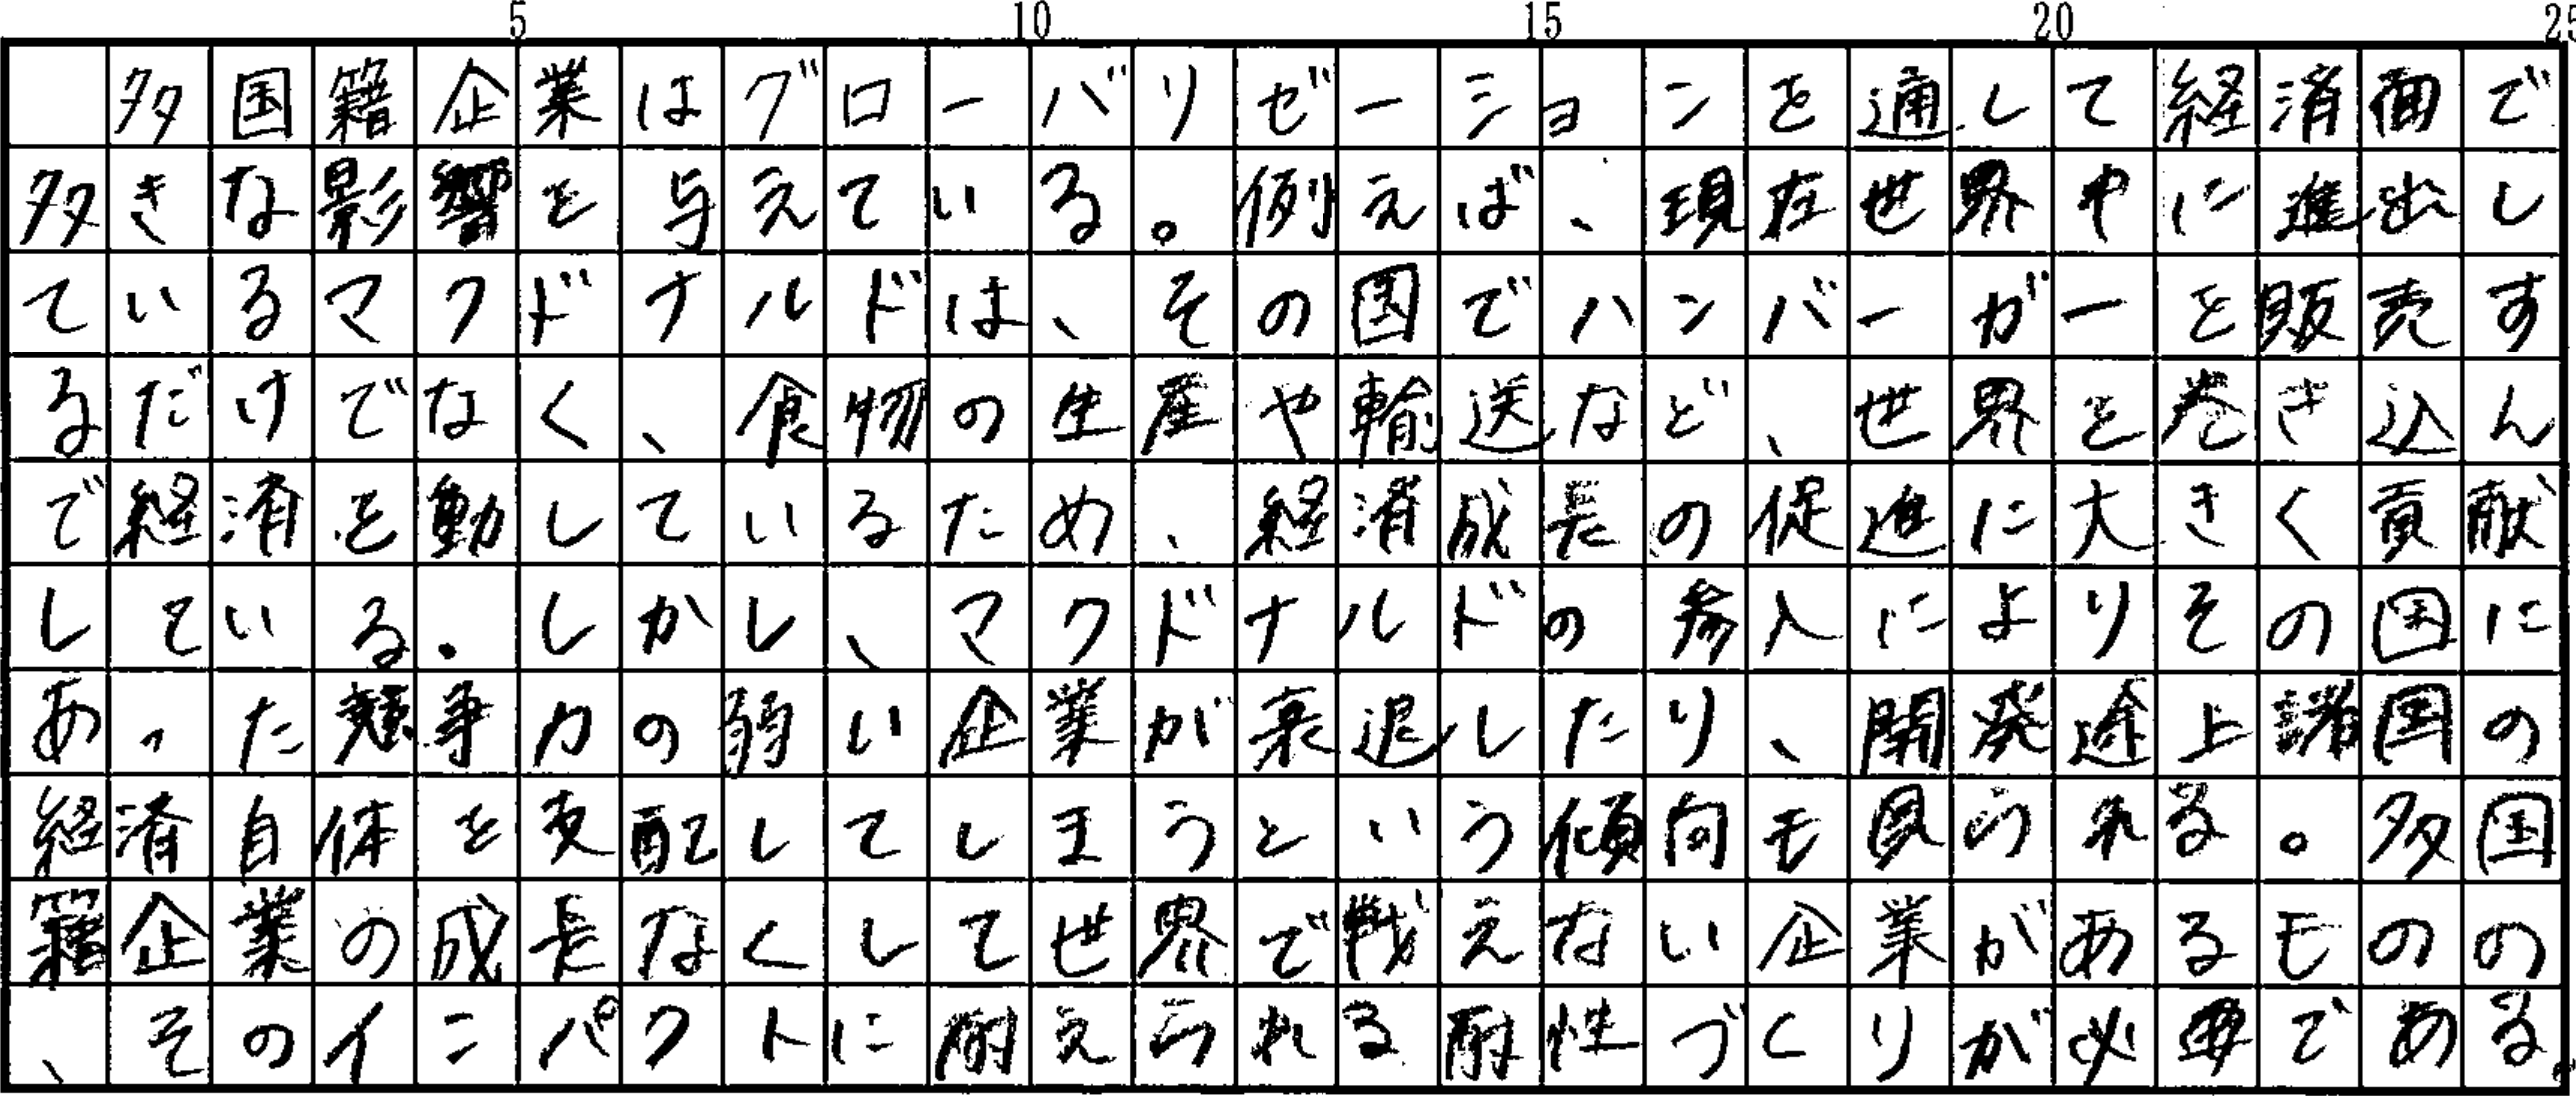　多国籍企業はグローバリゼーションを通して経済面で多きな影響を与えている。例えば、現在世界中に進出しているマクドナルドは、その国でハンバーガーを販売するだけでなく、食物の生産や輸送など、世界を巻き込んで経済を動しているため、経済成長の促進に大きく貢献している。しかし、マクドナルドの参入によりその国にあった競争力の弱い企業が衰退したり、開発途上諸国の経済自体を支配してしまうという傾向も見られる。多国籍企業の成長なくして世界で戦えない企業があるものの、そのインパクトに耐えられる耐性づくりが必要である。
